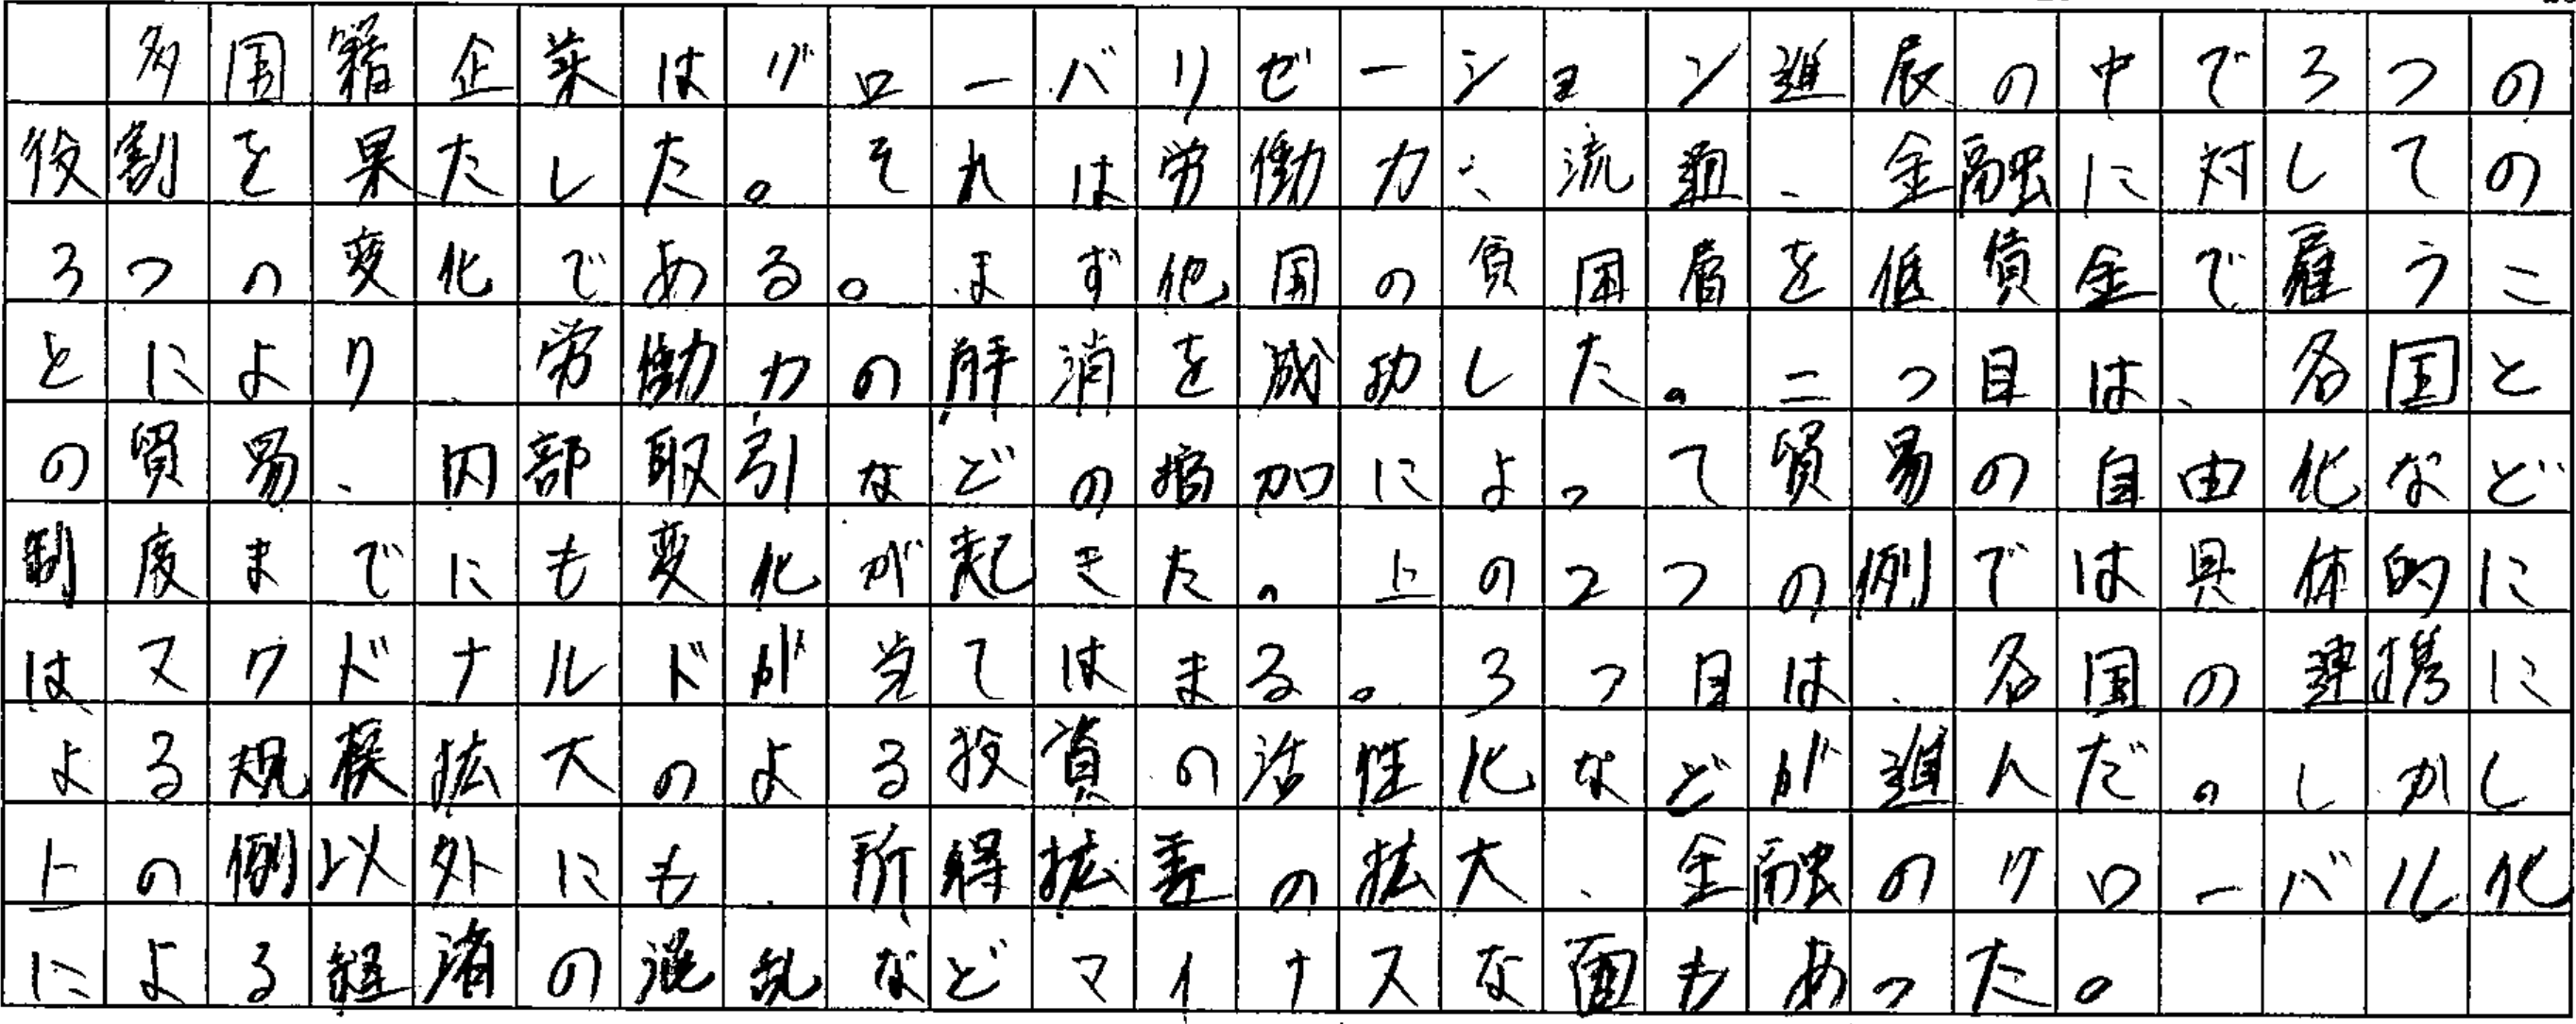　多国籍企業はグローバリゼーション進展の中で３つの役割を果たした。それは労働力、流通、金融に対しての３つの変化である。まず他国の貧困層を低賃金で雇うことにより、労働力の▁消を成功した。二つ目は、各国との貿易、内部取引などの増加によって貿易の自由化など制度までにも変化が起きた。上の２つの例では具体的にはマクドナルドが▁てはまる。３つ目は、各国の連携による規模拡大のよる投資の活性化などが進んだ。しかし上の例以外にも、所得格差の拡大、金融のグローバル化による経済の混乱などマイナスな面もあった。
